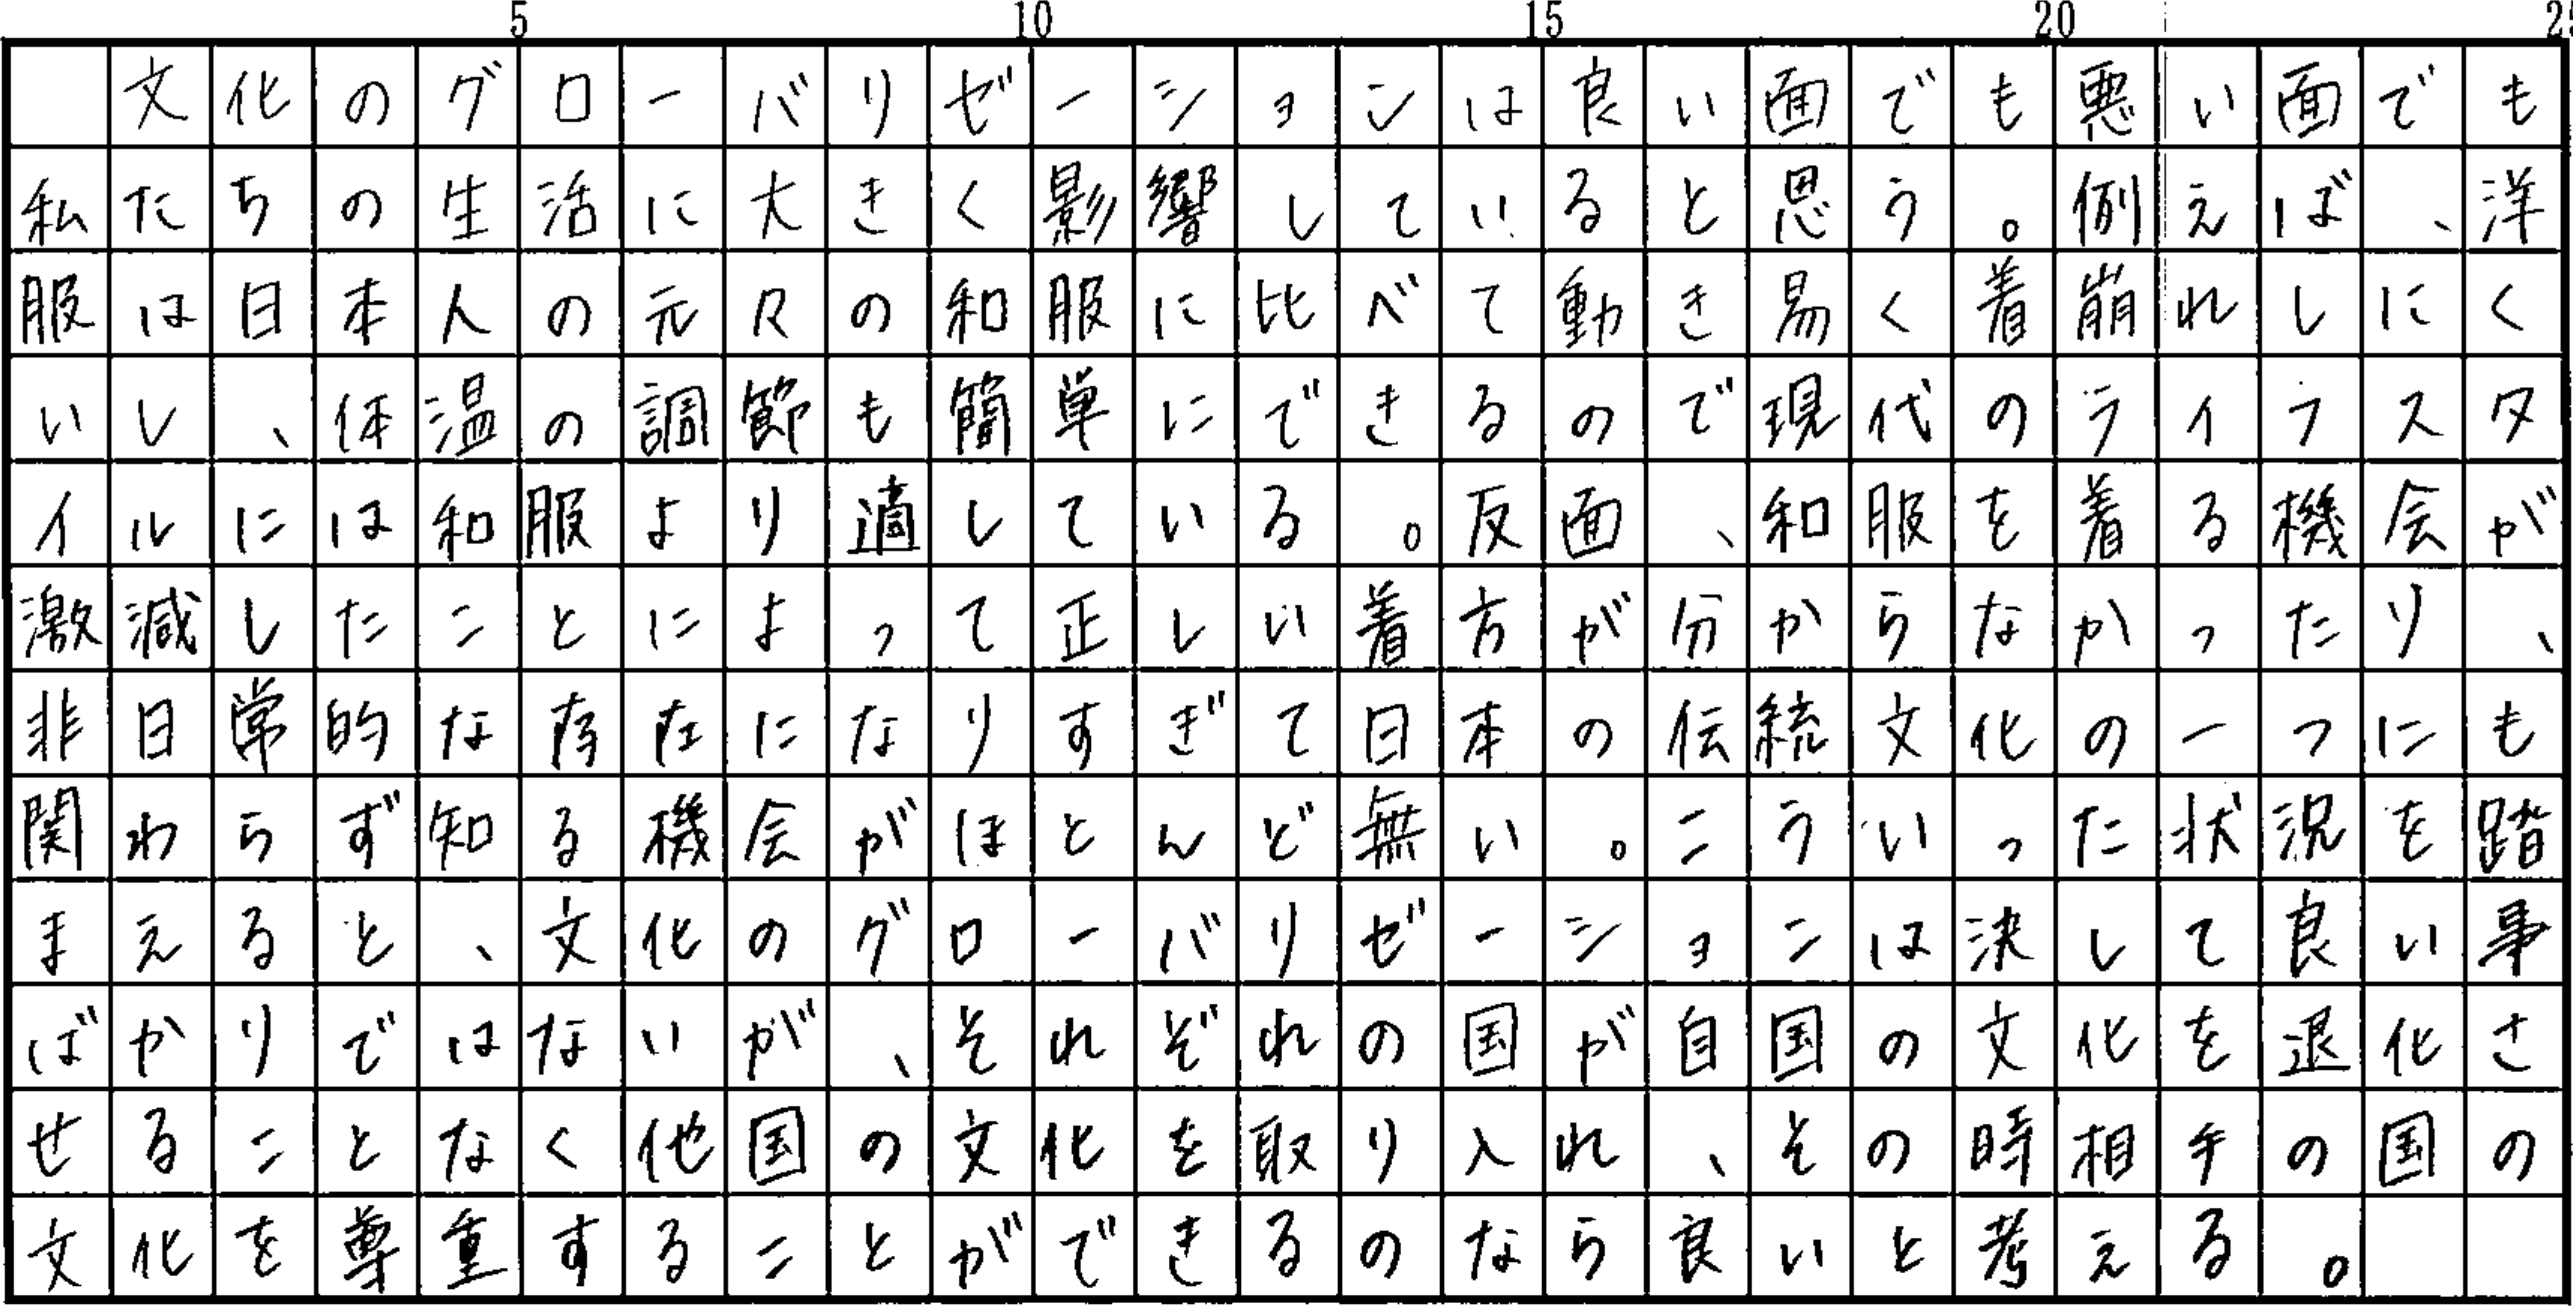　文化のグローバリゼーションは良い面でも悪い面でも私たちの生活に大きく影響していると思う。例えば、洋服は日本人の元々の和服に比べて動き易く着崩れしにくいし、体温の調節も簡単にできるので現代のライフスタイルには和服より適している。反面、和服を着る機会が激減したことによって正しい着方が分からなかったり、非日常的な存在になりすぎて日本の伝統文化の一つにも関わらず知る機会がほとんど無い。こういった状況を踏まえると、文化のグローバリゼーションは決して良い事ばかりではないが、それぞれの国が自国の文化を退化させることなく他国の文化を取り入れ、その時相手の国の文化を尊重することができるのなら良いと考える。
